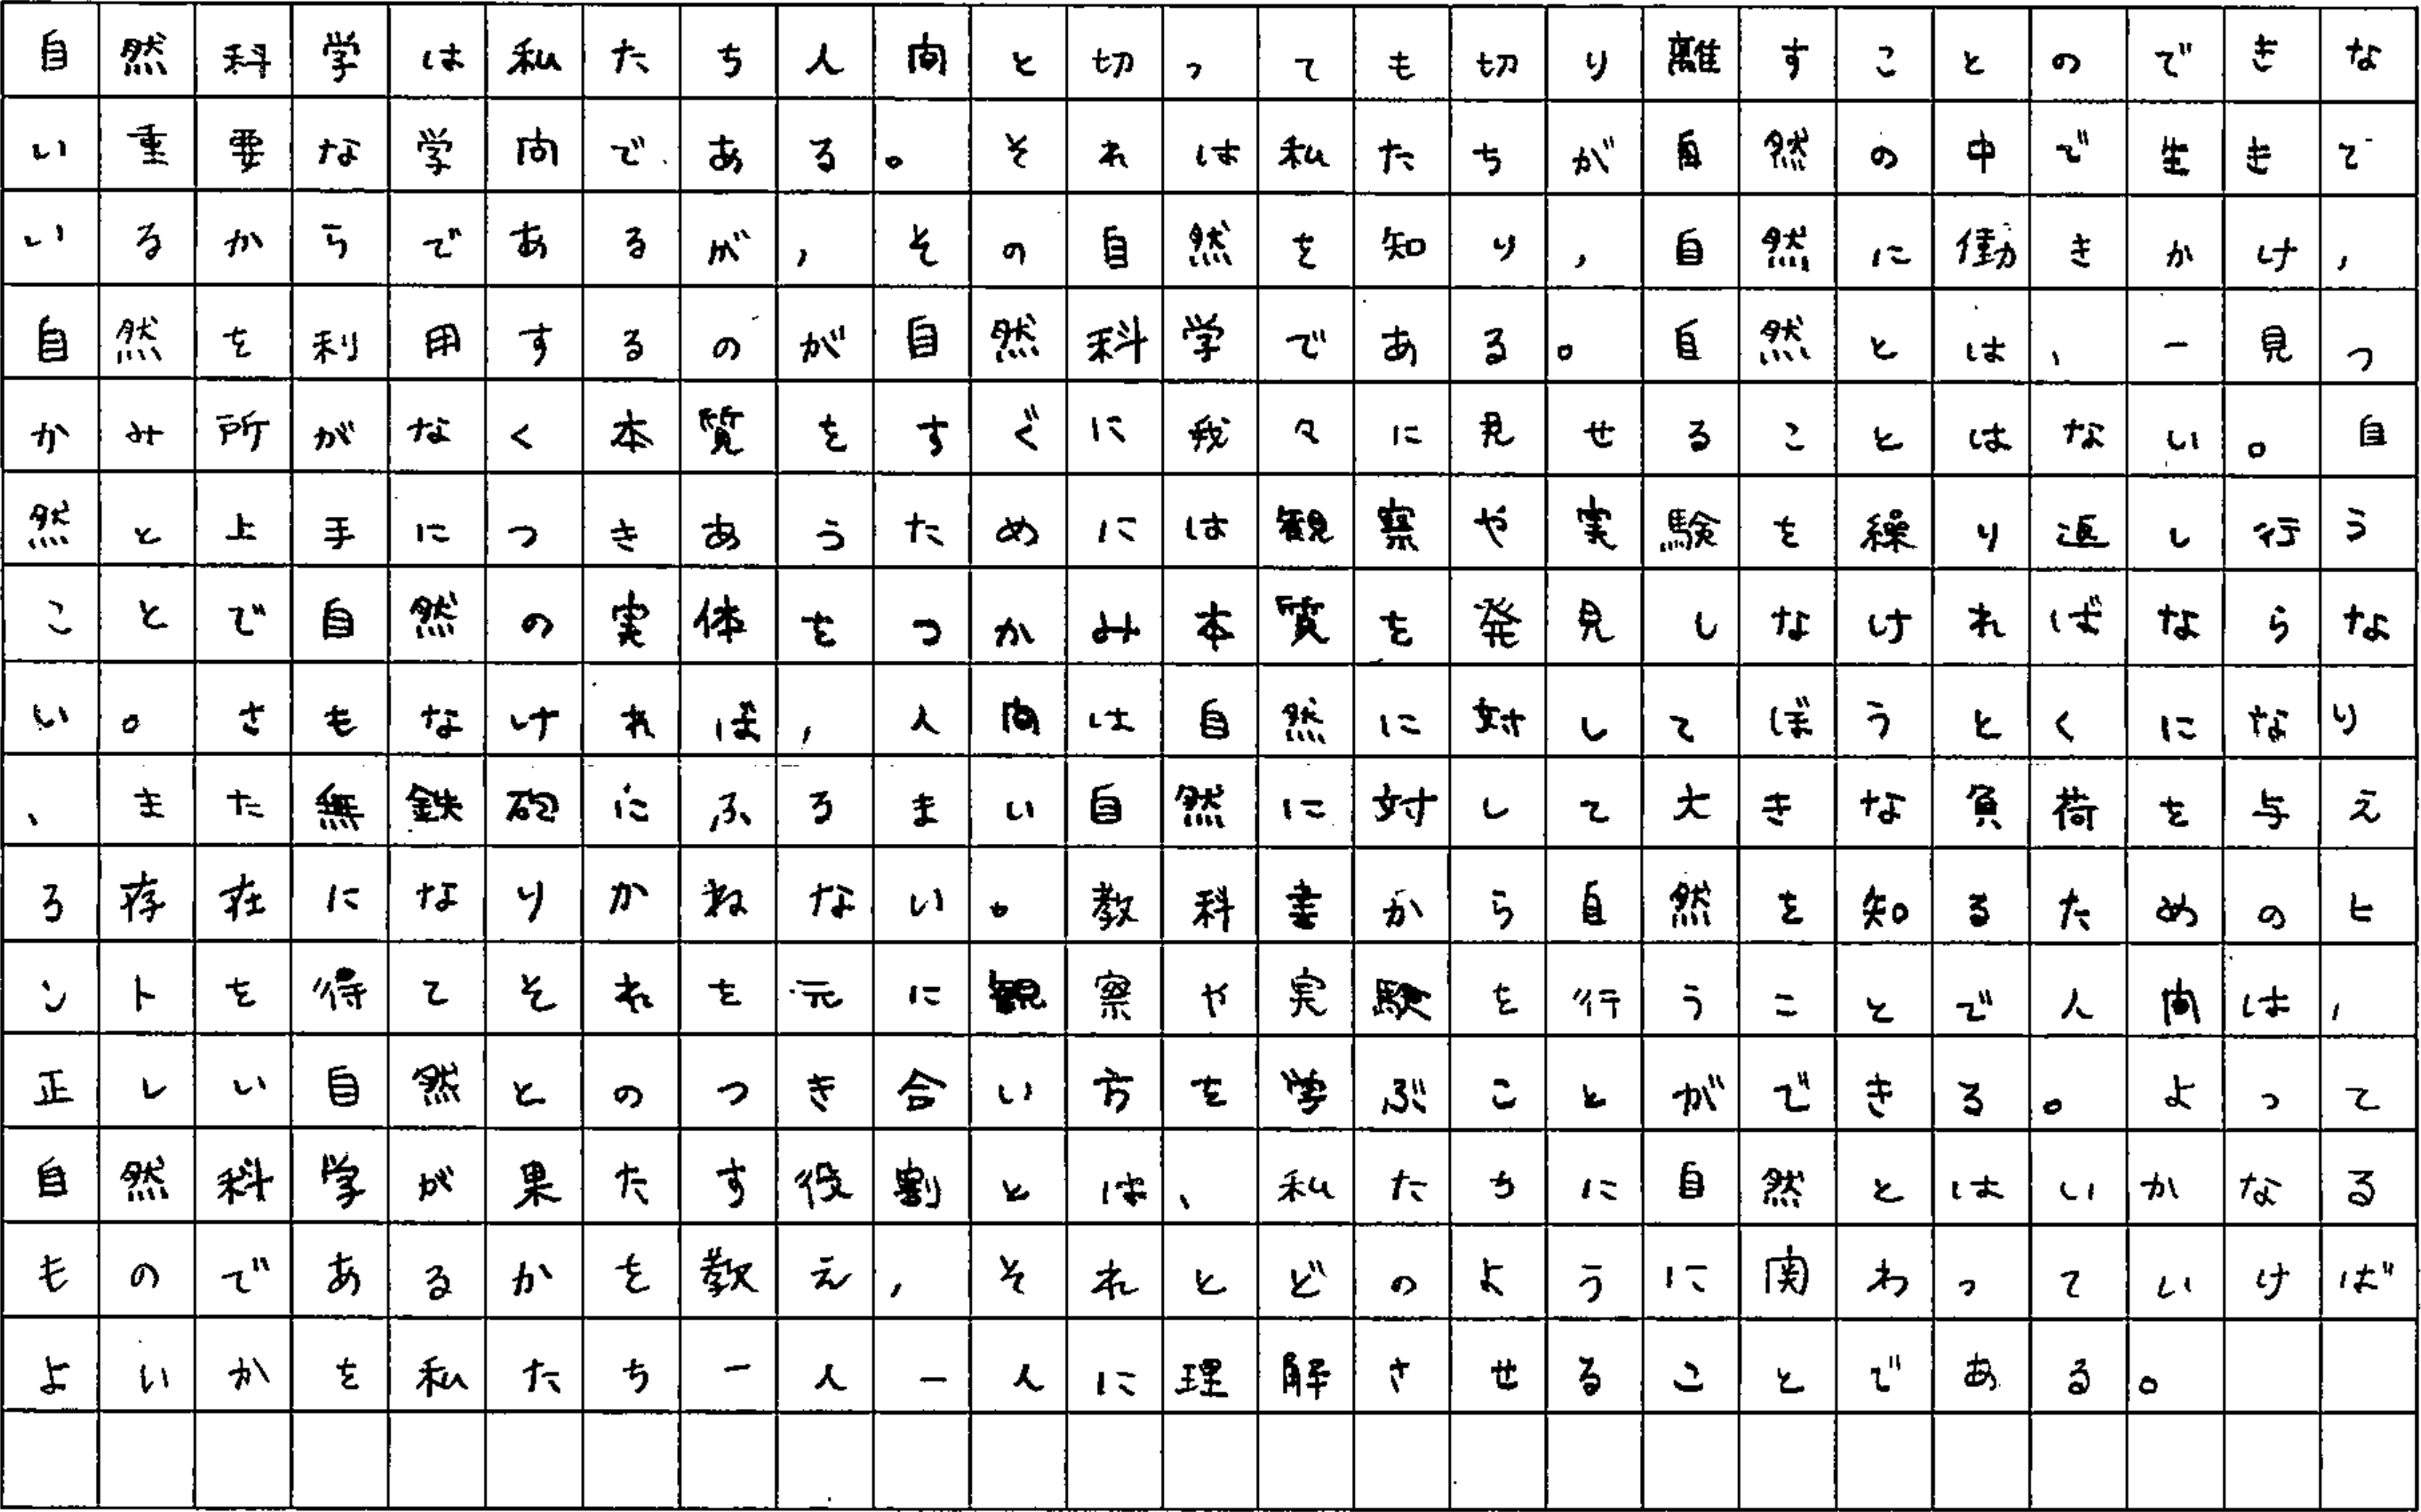自然科学は私たち人間と切っても切り離すことのできない重要な学問である。それは私たちが自然の中で生きているからであるが、その自然を知り、自然に働きかけ、自然を利用するのが自然科学である。自然とは、一見つかみ所がなく本質をすぐに我々に見せることはない。自然と上手につきあうためには観察や実験を繰り返し行うことで自然の実体をつかみ本質を発見しなければならない。さもなければ、人間は自然に対してぼうとくになり、また無鉄砲にふるまい自然に対して大きな負荷を与える存在になりかねない。教科書から自然を知るためのヒントを得てそれを元に観察や実験を行うことで人間は、正しい自然とのつき合い方を学ぶことができる。よって自然科学が果たす役割とは、私たちに自然とはいかなるものであるかを教え、それとどのように関わっていけばよいかを私たち一人一人に理解させることである。
